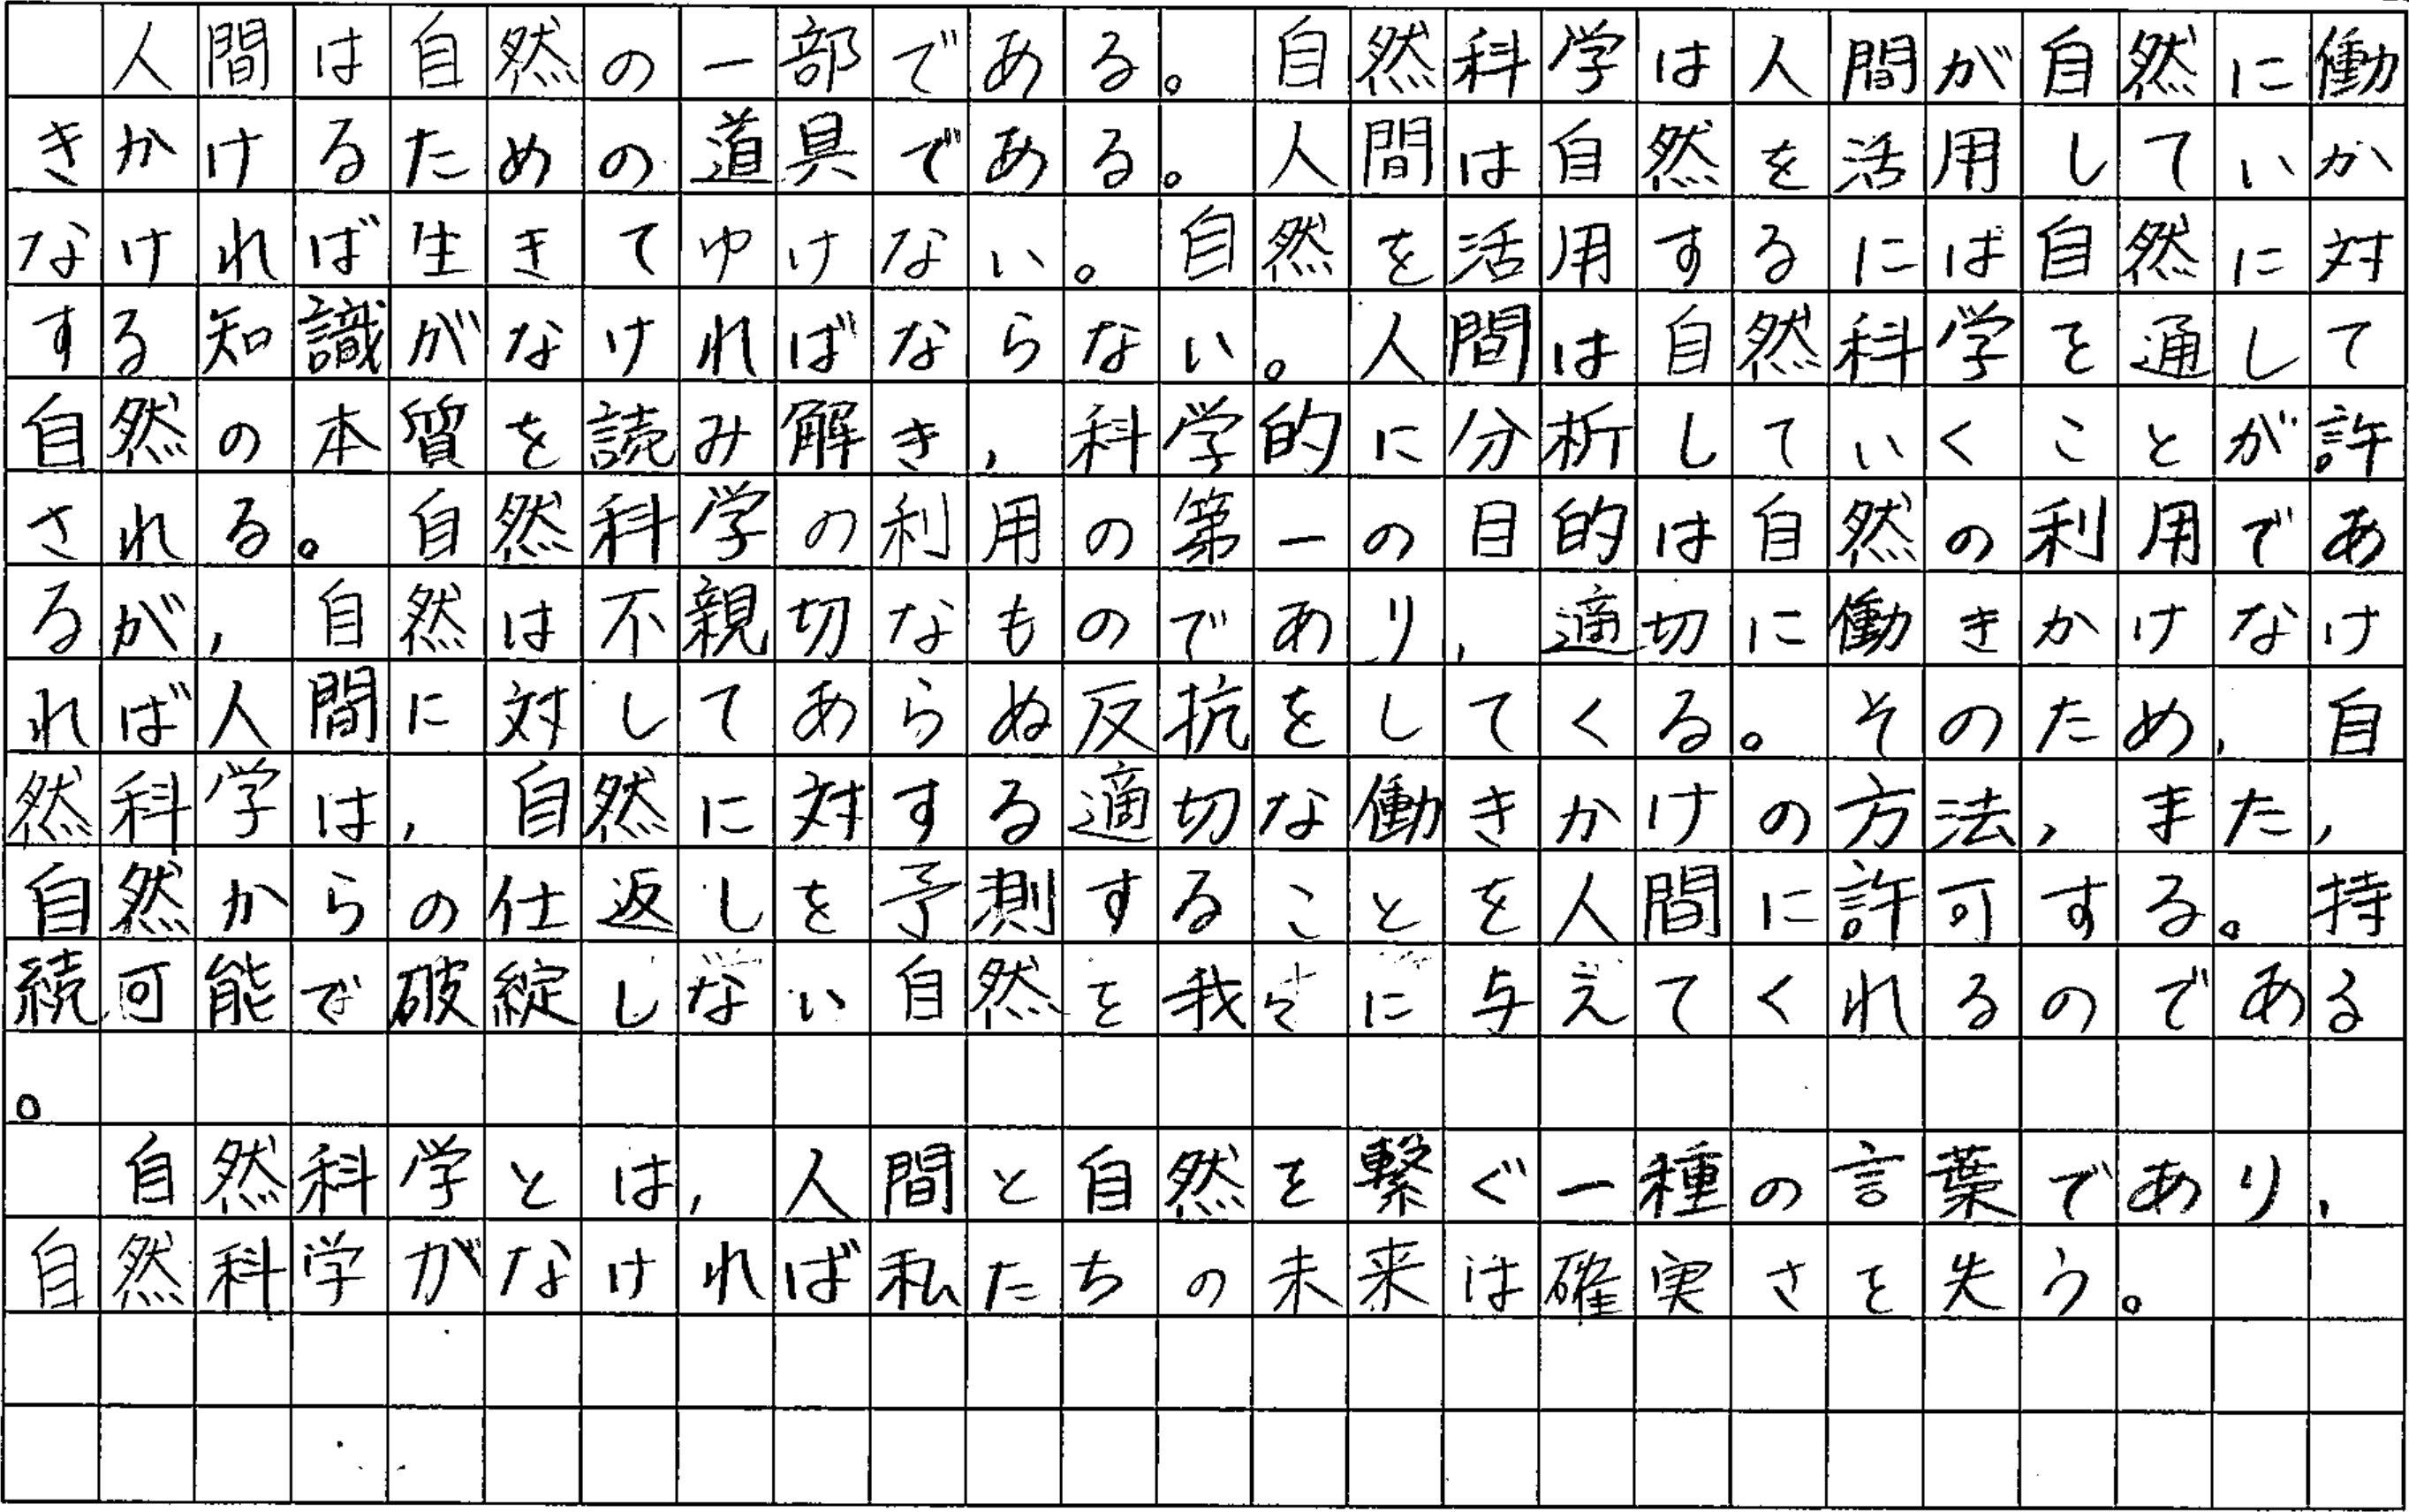　人間は自然の一部である。自然科学は人間が自然に働きかけるための道具である。人間は自然を活用していかなければ生きてゆけない。自然を活用するには自然に対する知識がなければならない。人間は自然科学を通して自然の本質を読み解き，科学的に分析していくことが許される。自然科学の利用の第一の目的は自然の利用であるが，自然は不親切なものであり，適切に働きかけなければ人間に対してあらぬ反抗をしてくる。そのため，自然科学は，自然に対する適切な働きかけの方法，また，自然からの仕返しを予測することを人間に許可する。持続可能で破綻しない自然を我々に与えてくれるのである。
　自然科学とは，人間と自然を繋ぐ一種の言葉であり，自然科学がなければ私たちの未来は確実さを失う。
